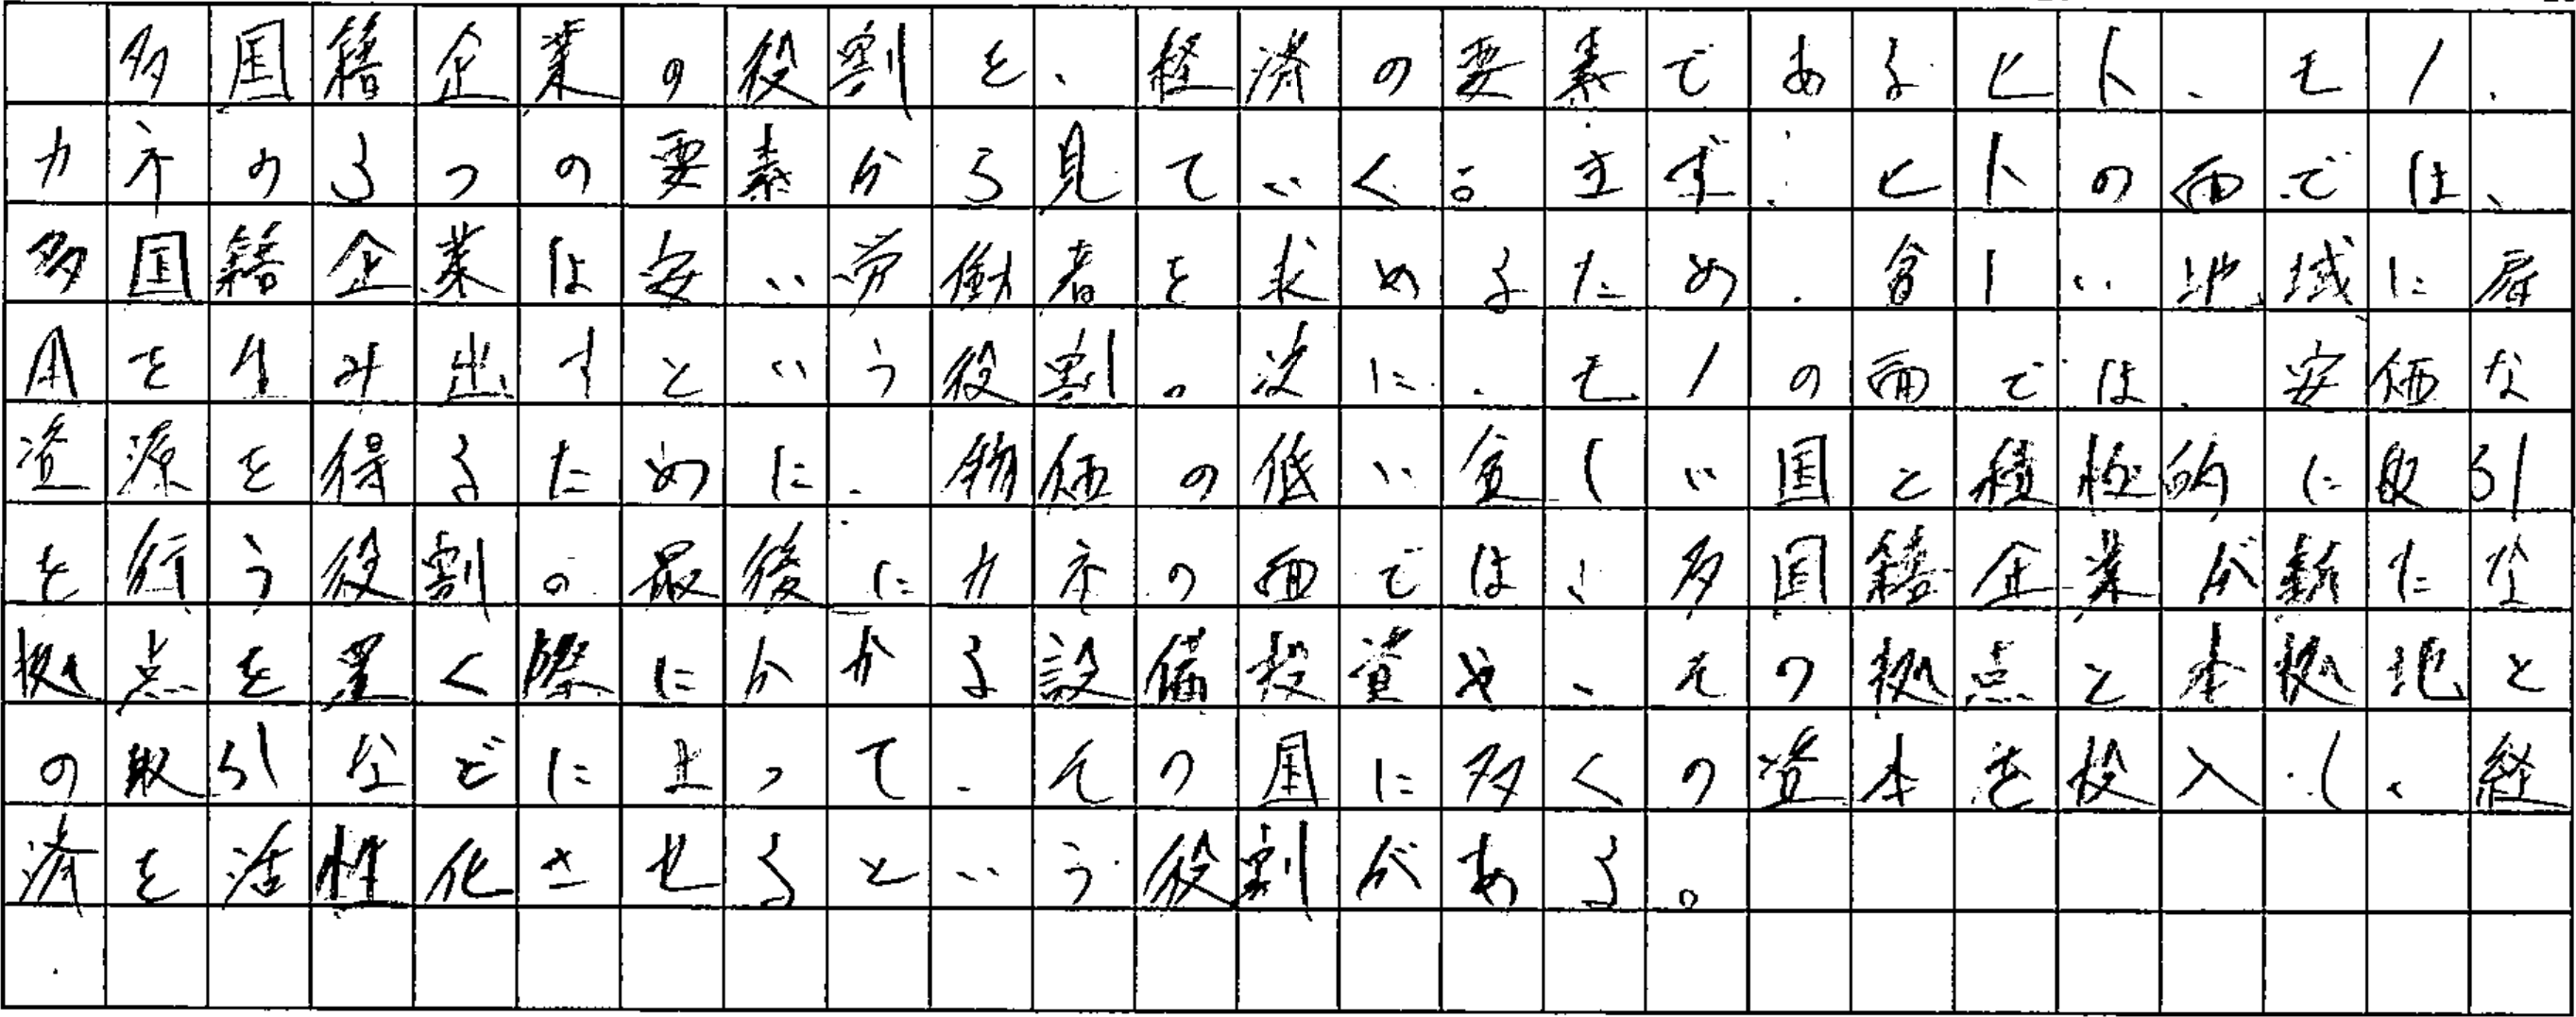　多国籍企業の役割を、経済の要素であるヒト、モノ、カネの３つの要素から見ていく。まず、ヒトの面では、多国籍企業は安い労働者を求めるため、貧しい地域に雇用を生み出すという役割。次に、モノの面では、安価な資源を得るために、物価の低い貧しい国と積極的に取引を行う役割。最後にカネの面では、多国籍企業が新たな拠点を置く際にかかる設備投資や、その拠点と本拠地との取引などによって、その国に多くの資本を投入し、経済を活性化するという役割がある。
